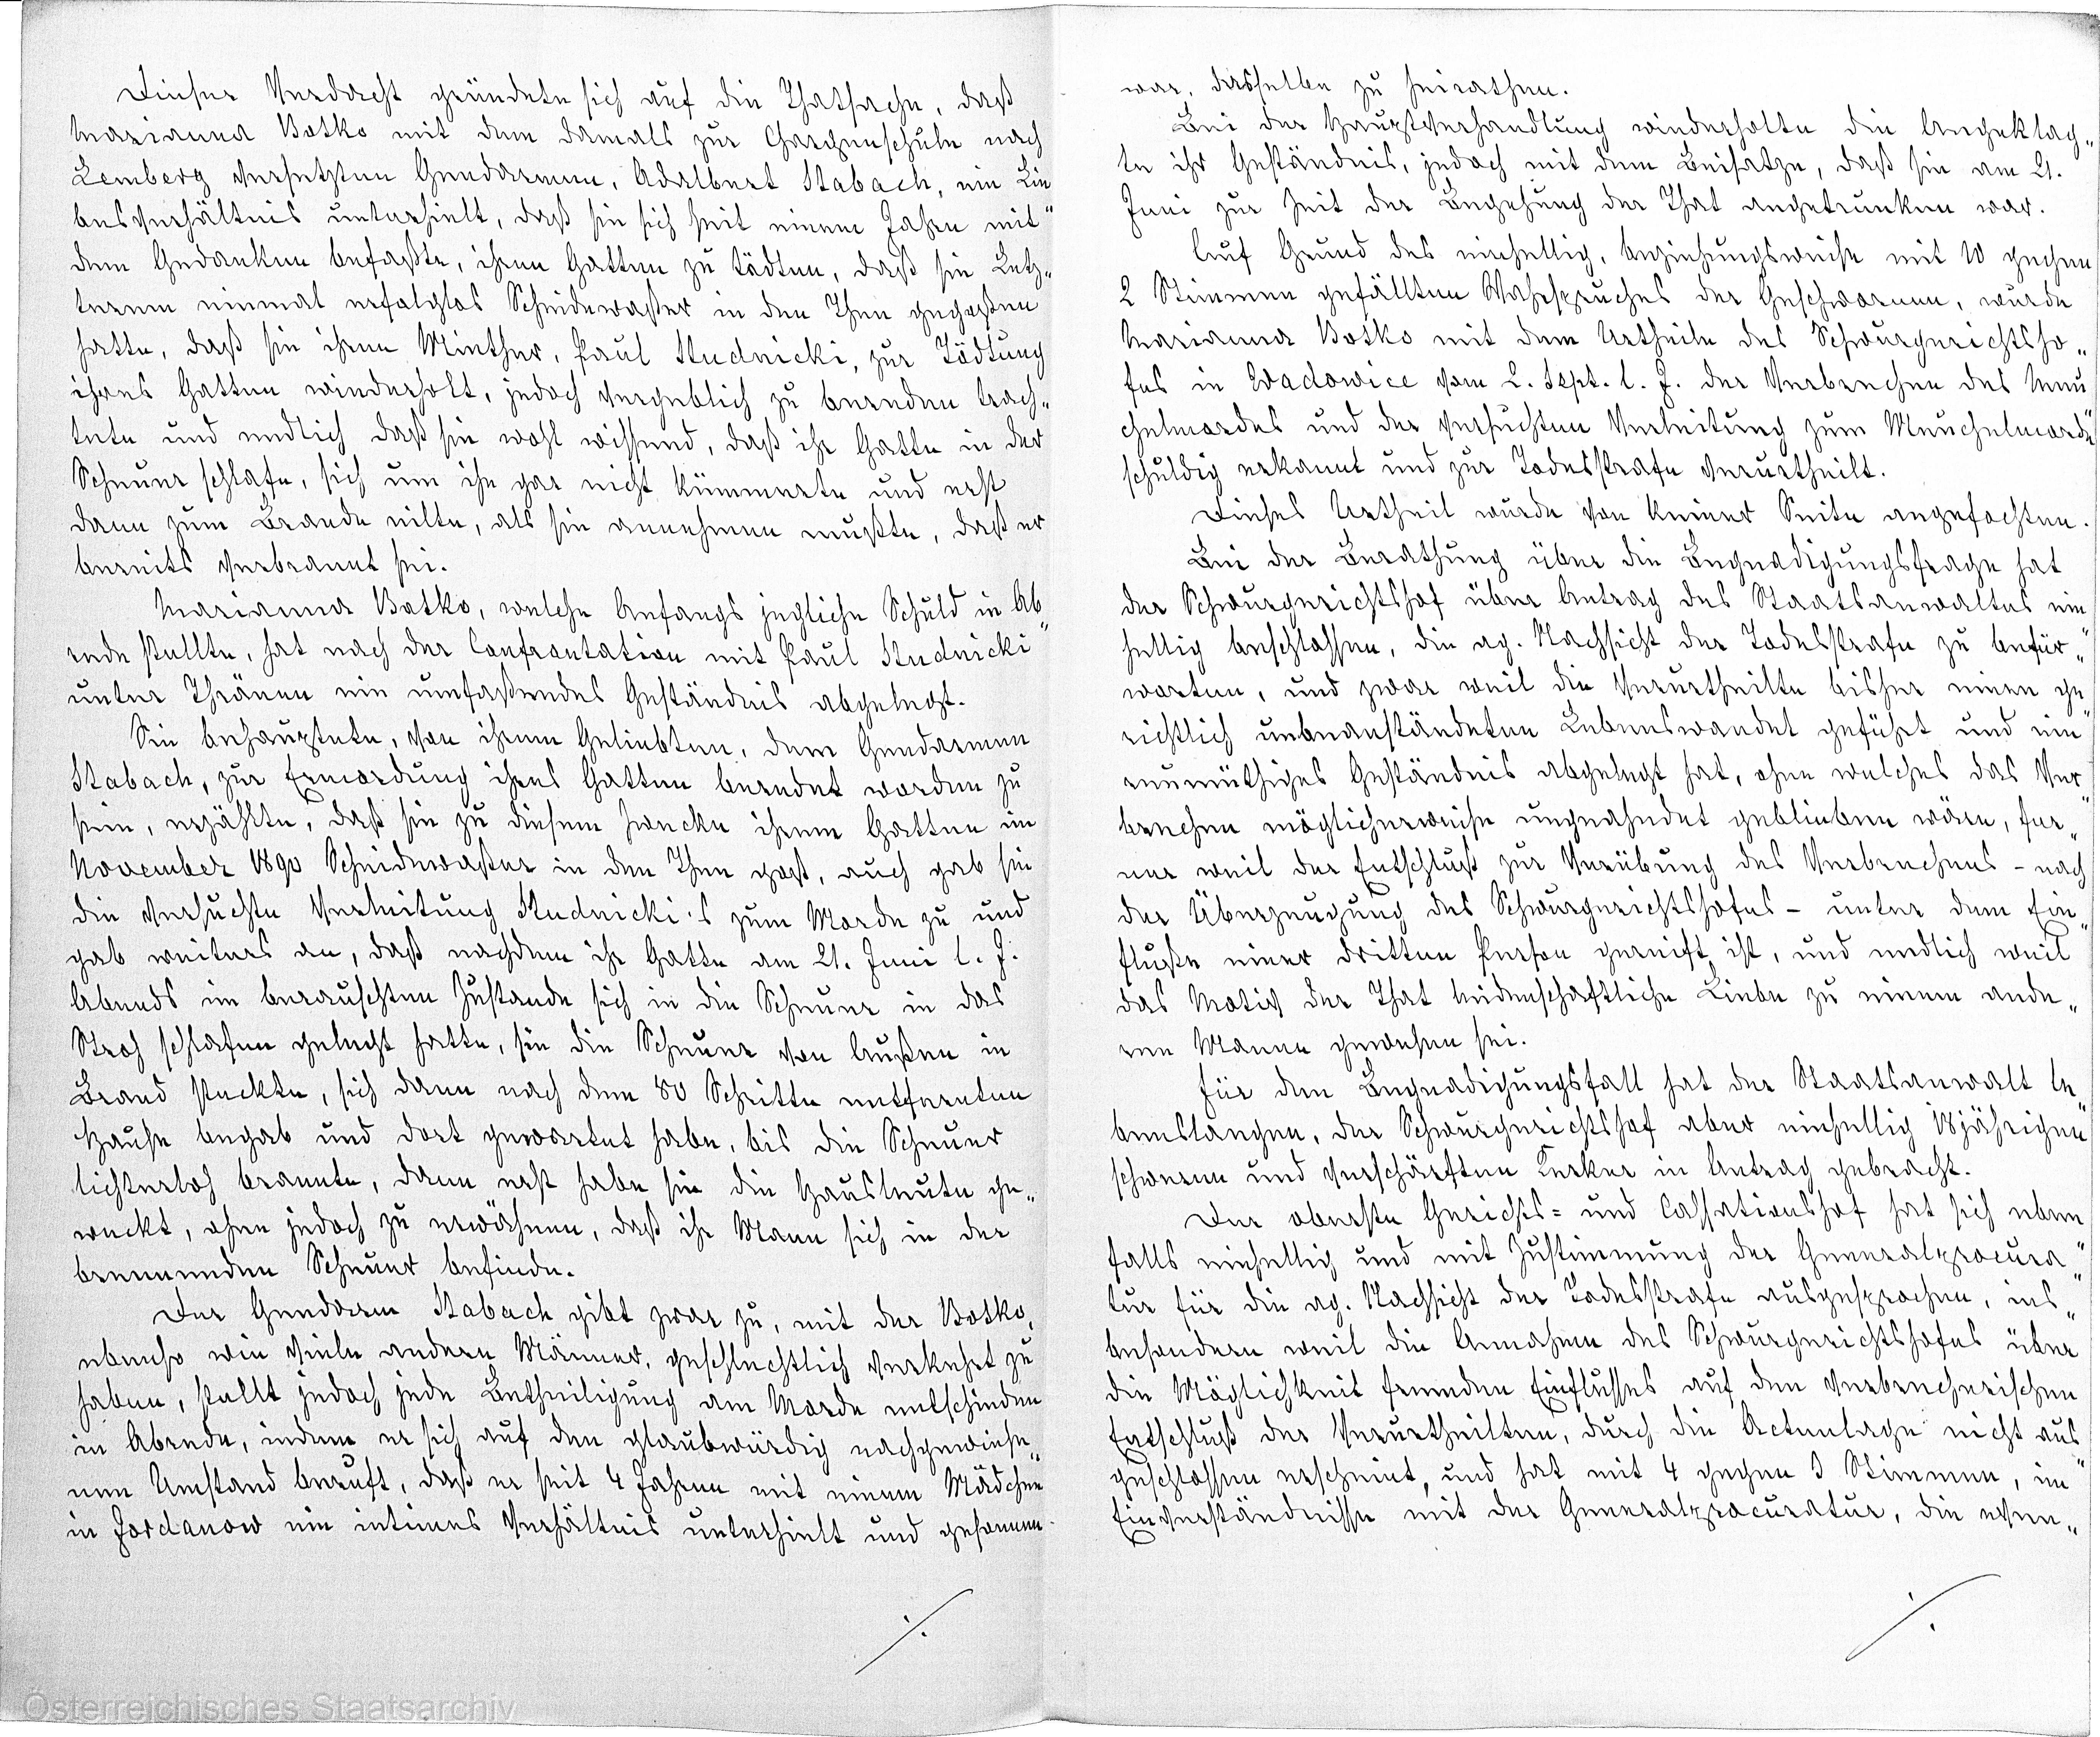Dieser Verdacht gründete sich auf die Thatsache, daß
Marianna Botko mit dem damals zur Chorchenschule nach
Lemberg versetzten Gendarmen, Adalbert Stabach, ein Lie¬
besverhältnis unterhielt, daß sie sich seit einem Jahre mit
dem Gedanken befaßte, ihren Gatten zu tödten, daß sie Letz¬
teren einmal erfolglos Scheidewaßer [aqua fortis or nitric acid] in den Thee gegoßen
hatte, daß sie ihren Miether, Paul Studnicki, zur Tödtung
ihres Gatten wiederholt, jedoch vergeblich zu bereden trach¬
tete und endlich daß sie wohl wissend, daß ihr Gatte in der
Scheune schlafe, sich um ihn gar nicht kümmerte und erst
dann zum Brande eilte, als sie annehmen mußte, daß er
bereits verbrannt sei.
Marianna Botko, welche Anfangs jegliche Schuld in Ab¬
rede stellte, hat nach der Confrontation mit Paul Studnicki
unter Thränen ein umfaßendes Geständnis abgelegt.
Sie behauptete, von ihren Geliebten, dem Gendarmen
Stabach, zur Ermordung ihres Gatten beredet worden zu
sein, erzählte daß sie zu diesem Zwecke ihrem Gatten im
November 1890 Scheidewaßer in den Thee goß, auch gab sie
die Versuchte Verleitung Studnicki’s zum Morde zu und
gab weiters an, daß nachdem ihr Gatte am 21. Juni l. J.
Abends im berauschten Zustande sich in die Scheune in das
Stroh schlafen gelegt hatte, sie die Scheune von Außen in
brand steckte, sich dann nach dem 80 Schritte entfernten
Hause begab und dort gewartet habe, bis die Scheune
lichterloh brannte, dann erst habe sie die Hausleute ge¬
weckt, ohne jedoch zu erwähnen, daß ihr Mann sich in der
brennenden Scheune befinde.
Der Gendarm Stabach gibt zwar zu, mit der Botko
ebenso wie viele andere Männer, geschlechtlich verkehrt zu
haben, stellt jedoch jede Betheiligung am Morde entschieden
in Abrede, indem er sich auf den glaubwürdig nachgewiese¬
nen Umstand beruft, daß er seit 4 Jahren mit einem Mädchen
in Zordanow ein intimes Verhältnis unterhielt und gesonnen
war, dieselbe zu heirathen.
Bei der Hauptverhadlung wiederholte die Angeklag¬
te ihr Geständnis, jedoch mit dem Beisetze, daß sie am 21.
Juni zur Zeit der Begehung der That angetrunken war.
Auf Grund des einhellig, beziehungsweise mit 10 gegen
2 Stimmen gefällten Wahrspruches der Geschworenen, wurde
Marianna Botko mit dem Urtheile des Schwurgerichtsho¬
fes in Wadowice vom 2. Sept. l. J. des Verbrechen des Meu¬
chelmordes und der versuchten Verleitung zum Meuchelmordes
schuldig erkannt und zur Todesstrafe verurtheilt.
Dieses Urtheil wurde von Keiner Seite angefochten.
Bei der Berathung über die Begandigungsfrage hat
der Schwurgerichtshof über Antrag des Staatsanwaltes ein¬
hellig beschlossen, die ag. Nachsicht der Todesstrafe zu befür¬
worten, und zwar weil die Verurtheilte bisher einen ge¬
richtlich unbeanständeten Lebenswandel geführt und ein
reumüthiges Geständnis abgelegt hat, ohne welches das Ver¬
brechen möglicherweise ungeahndet geblieben wäre, fer¬
ner weil der Entschluß zur Verübung des Verbrechens – nach
der Überzeugung des Schurgerichtshofes – unter dem Ein¬
fluße einer dritten Person gereift ist, und endlich weil
das Motiv der That leidenschaftliche Liebe zu einem ande¬
ren Manne gewesen sei.
Für den Begnadigungsfall hat der Staatsanwalt le¬
benslangen, der Schwurgerichtshof aber einhellig 18jährigen
schweren und verschärften Kerker in Antrag gebracht.
Der oberste Gerichts- und Cassationshof hat sich eben¬
falls einhellig und mit Zustimmung der Generalprocura¬
tur für die ag. Nachsicht der Todesstrafe ausgesprochen, ins¬
besondere weil die Annahme des Schwurgerichtshofes über
die Möglichkeit fremden Einflusses auf den Verbrecherischen
Entschluß der Verurtheilten, durch die Actenlage nicht aus¬
geschlossen erscheint, und hat mit 4 gegen 3 Stimmen, im
Einverständnisse mit der Generalprocuratur, die even¬